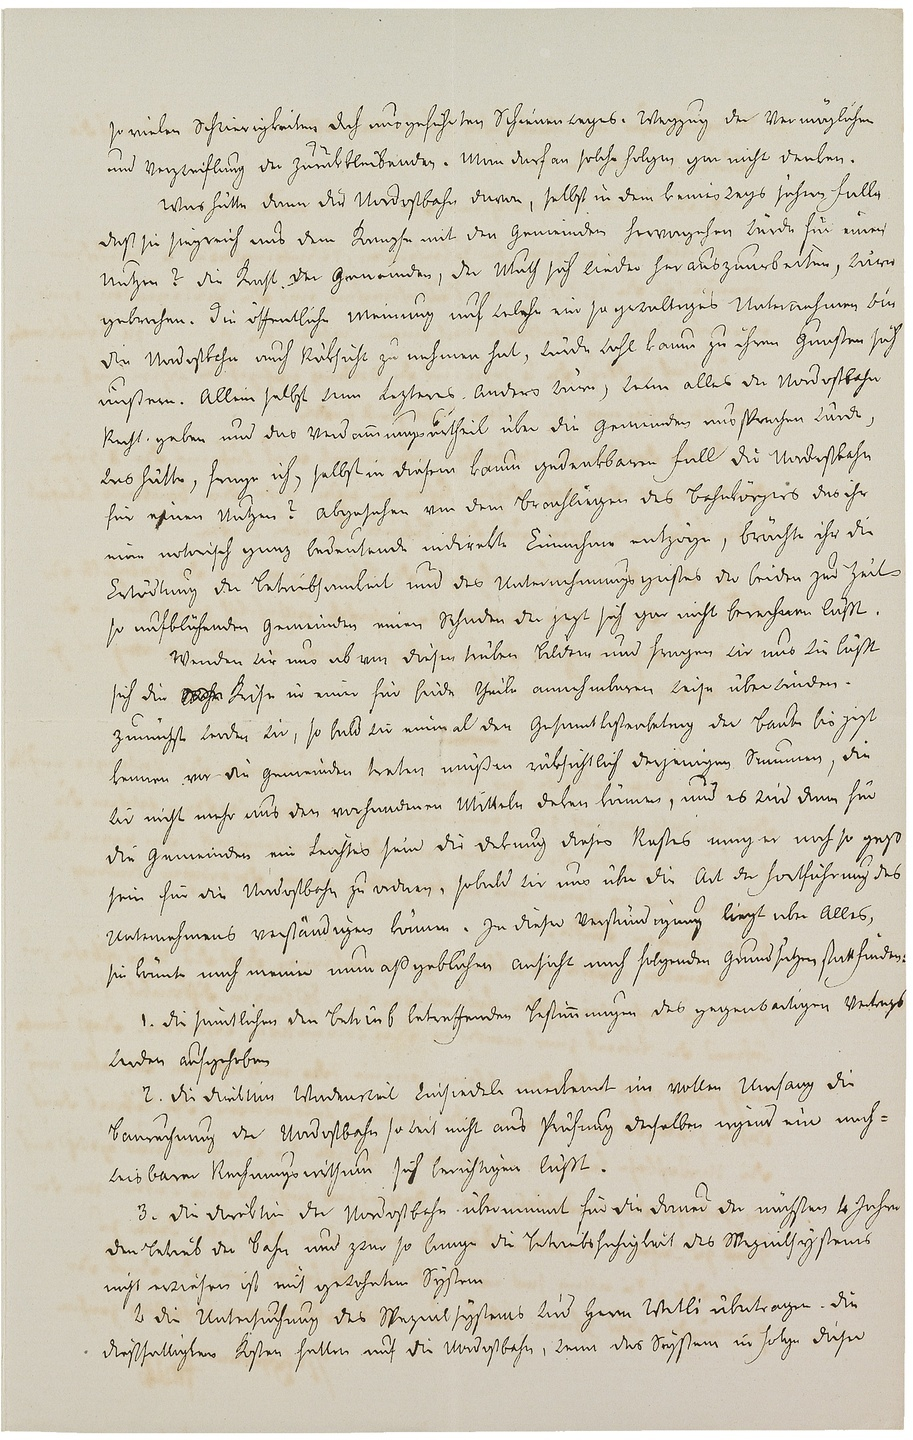so vielen Schwierigkeiten doch ausgeführten Schienenweges. Wegzug der Vermöglichen
und Verzweiflung der Zurückbleibenden. Man darf an solche Folgen gar nicht denken.
Was hätte dann die Nordostbahn davon, selbst in dem keineswegs sichern Falle
daß sie siegreich aus dem Kampfe mit den Gemeinden hervorgehen würde für einen
Nutzen? Die Kraft der Gemeinden, der Muth sich wieder herauszuarbeiten, wäre
gebrochen. Die öffentliche Meinung auf welche ein so gewaltiges Unternehmen wie
die Nordostbahn auch Rüksicht zu nehmen hat, würde wohl kaum zu ihren Gunsten sich
äußern. Allein selbst wenn Lezteres anders wäre, wenn alles der Nordostbahn
Recht geben und das Verdammungsurtheil über die Gemeinden aussprechen würde,
was hätte, frage ich, selbst in diesem kaum gedenkbaren Fall die Nordostbahn
für einen Nutzen? Abgesehen von dem Brachliegen des Bahnkörpers das ihr
eine notorisch ganz bedeutende indirekte Einnahme entzöge, brächte ihr die
Ertödtung der Betriebsamkeit und des Unternehmungsgeistes der beiden zur Zeit
so aufblühenden Gemeinden einen Schaden der jezt sich gar nicht berechnen läßt.
Wenden wir uns ab von diesen trüben Bildern und fragen wir uns wie läßt
sich die Krise in einer für beide Theile annehmbaren Weise überwinden.
Zunächst werden wir, so bald wir einmal den Gesamtkostenbetrag der Baute bis jezt
kennen vor die Gemeinden treten müßen rüksichtlich derjenigen Summen, die
wir nicht mehr aus den vorhandenen Mitteln deken können, und es wird dann für
die Gemeinden ein Leichtes sein die Dekung dieses Restes mag er noch so groß
sein für die Nordostbahn zu ordnen, sobald wir uns über die Art der Forführung des
Unternehmens verständigen können. In dieser Verständigung liegt aber Alles,
sie könnte nach meiner unmaßgeblichen Ansicht nach folgenden Grundsätzen stattfinden:
1. Die sämtlichen den Betrieb betreffenden Bestimmungen des gegenwärtigen Vertrags
werden aufgehoben
2. Die Direktion WädensweilEinsiedeln anerkennt im vollen Umfang die
Baurechnung der Nordostbahn so weit nicht aus Prüfung derselben irgend ein nach-
weisbarer Rechnungsirrthum sich berichtigen läßt.
3. Die Direktion der Nordostbahn übernimmt für die Dauer der nächsten 4 Jahre
den Betrieb der Bahn und zwar so lange die Betriebsfähigkeit des Spezialsystems
nicht erwiesen ist mit gewohntem System.
4. Die Untersuchtung des Spezialsystems wird Herrn Wetli übertragen. Die
dießfälligen Kosten fallen auf die Nordostbahn, wenn das System in Folge dieser